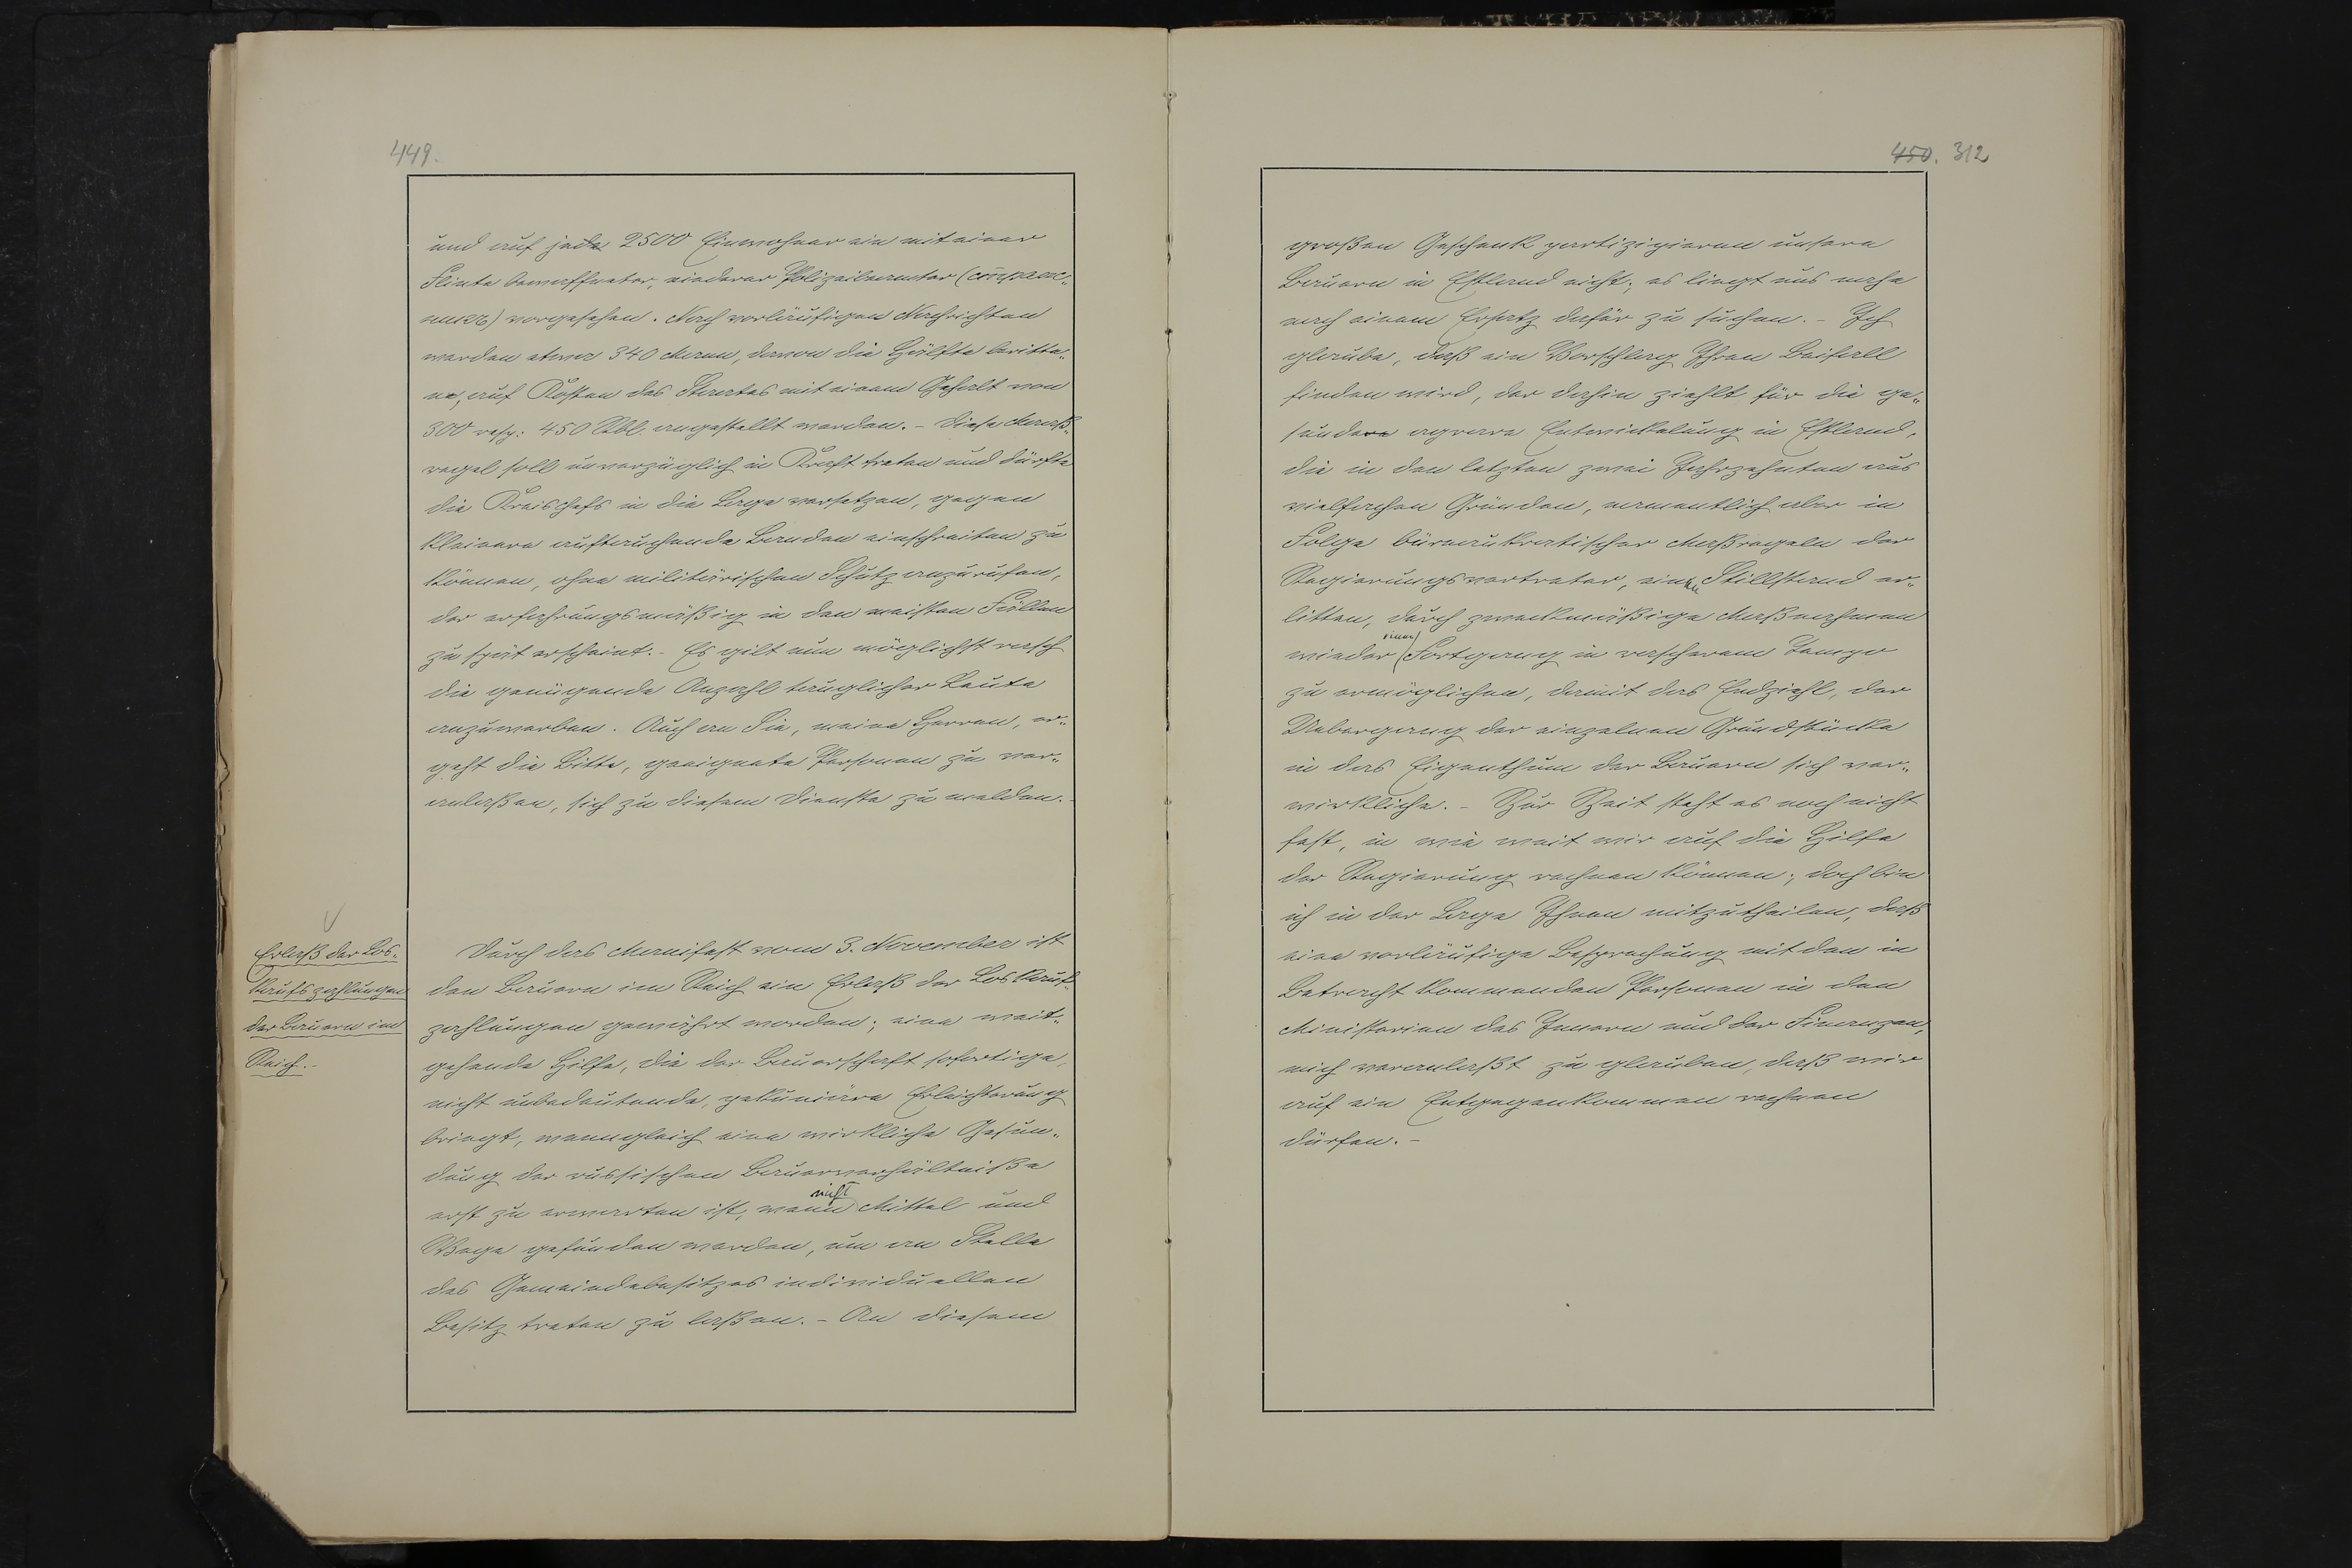Erlaß der Los-
kaufszahlungen
der Bauern im
Reich.
und auf jede 2500 Einwohner ein mit einer
Flinte bewaffneter, niederer Polizeibeamter (страж-
никъ) vorgesehen. Nach vorläufigen Nachrichten
werden etwa 340 Mann, davon die Hälfte beritte-
ne, auf Kosten des Staates mit einem Gehalt von
300 resp. 450 Rbl. angestellt werden. - Diese Maaß-
regel soll unverzüglich in Kraft treten und dürfte
die Kreischefs in die Lage versetzen, gegen
kleinere auftauchende Banden einschreiten zu
können, ohne militärischen Schutz anzurufen,
der erfahrungsmäßig in den meisten Fällen
zu spät erscheint. - Es gilt nun möglichst rasch
die genügende Anzahl tauglicher Leute
anzuwerben. Auch an Sie, meine Herren, er-
geht die Bitte, geeignete Personen zu ver-
anlaßen, sich zu diesem Dienste zu melden.
Durch das Manifest vom 3. November ist
den Bauern im Reich ein Erlaß der Loskauf-
zahlungen gewährt worden; eine weit-
gehende Hilfe, die der Bauerschaft sofortige,
nicht unbedeutende, pekuniäre Erleichterung
bringt, wenngleich eine wirkliche Gesun-
dung der russischen Bauerverhältniße
nicht
erst zu erwarten ist, wenn Mittel und
Wege gefunden werden, um an Stelle
des Gemeindebesitzes individuellen
Besitz treten zu laßen. – An diesem
großen Geschenk partizipieren unsere
Bauern in Estland nicht; es liegt uns nahe
nach einem Ersatz dafür zu suchen. – Ich
glaube, daß ein Vorschlag Ihren Beifall
finden wird, der dahin zielt für die ge-
sundere agrare Entwickelung in Estland,
die in den letzten zwei Jahrzehnten aus
vielfachen Gründen, namentlich aber in
Folge büreaukratischer Maßregeln der
Regierungsvertreter, einen Stillstand er-
litten, durch zweckmäßige Maßnahmen
einen
wieder Fortgang in rascherem Tempo
zu ermöglichen, damit das Endziehl, der
Uebergang der einzelnen Grundstücke
in das Eigenthum der Bauern sich ver-
wirkliche. – Zur Zeit steht es noch nicht
fest, in wie weit wir auf die Hilfe
der Regierung rechnen können; doch bin
ich in der Lage, Ihnen mitzutheilen, daß
eine vorläufige Besprechung mit den in
Betracht kommenden Personen in den
Ministerien des Innern und der Finanzen,
mich veranlaßt zu glauben, daß wir
auf ein Entgegenkommen rechnen
dürfen. -